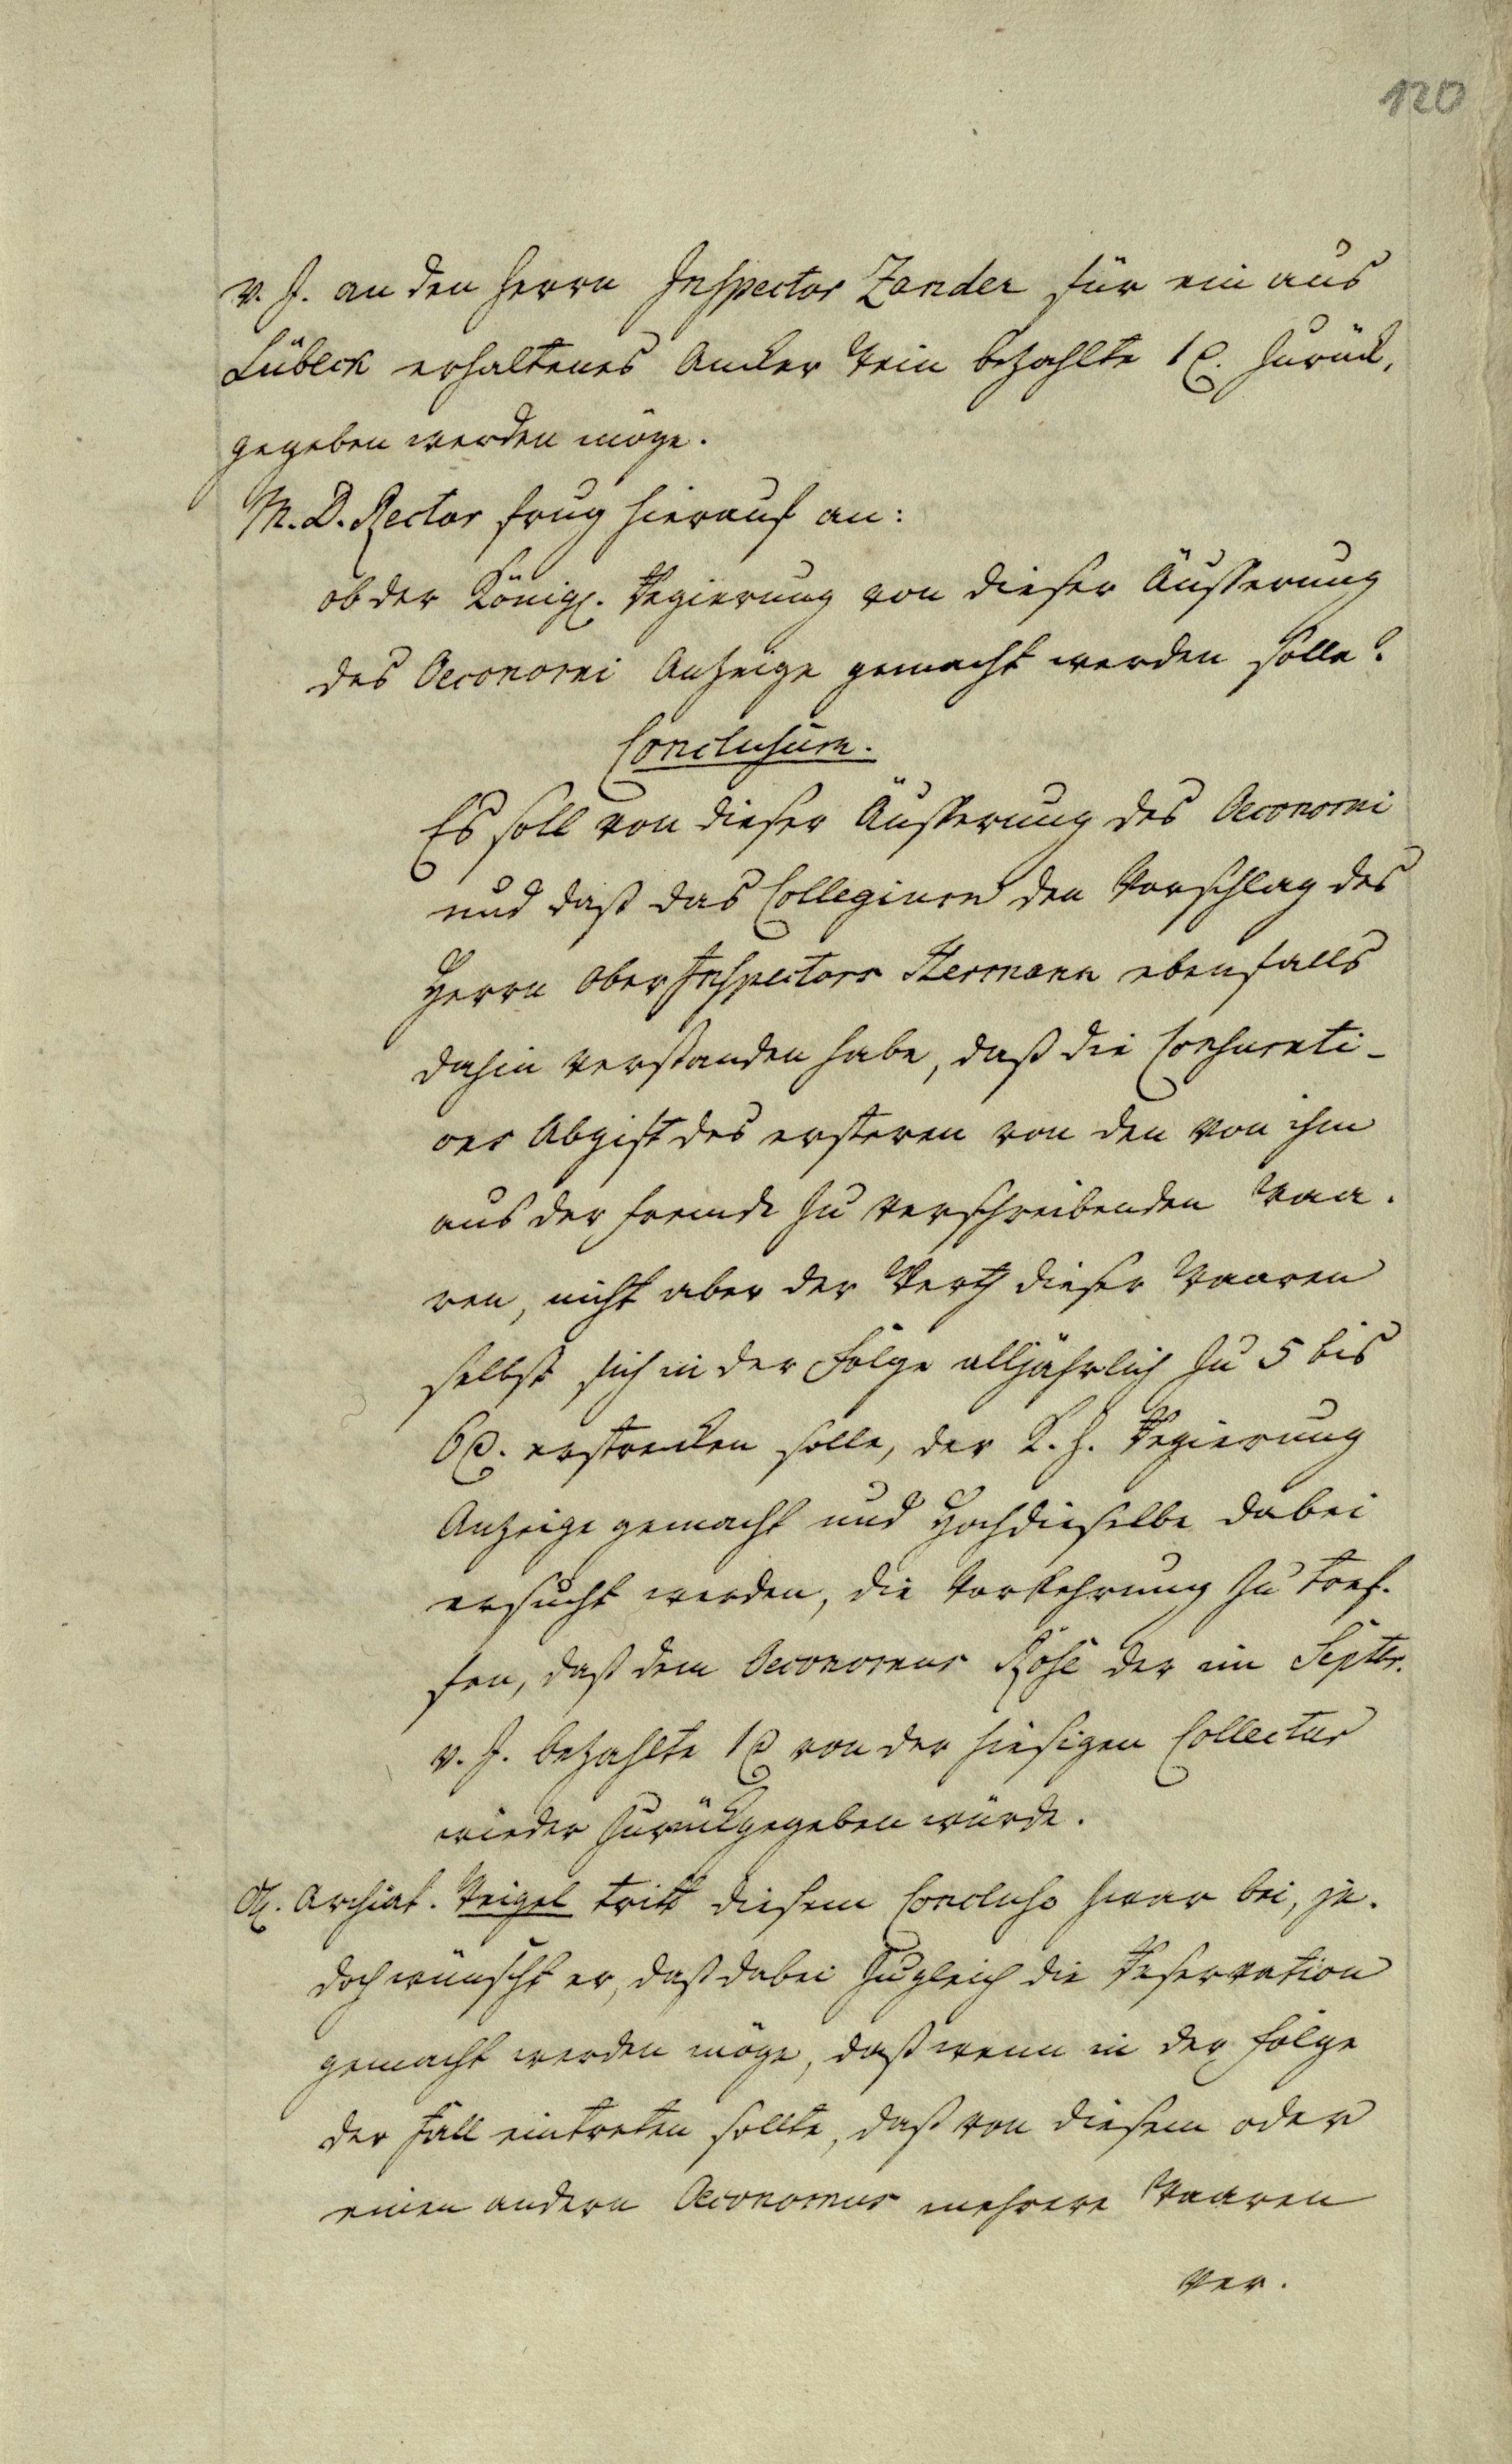v. J. an den Herrn Inspector Zander für ein aus
Lübeck erhaltenes Ancker Wein bezahlte 1 l. zurück¬
gegeben werden möge.
M. D. Rector frug hierauf an:
ob der Königl. Regierung von dieser Äusserung
des Oeconomi Anzeige gemacht werden solle?
Conclusum.
Es soll von dieser Äusserung des Oeconomi
und daß das Collegium den Vorschlag des
Herrn OberInspectors Hermann ebenfalls
dahin verstanden habe, daß die Consumti¬
ons Abgift des ersteren von den von ihm
aus der Fremde zu verschreibenden Waa¬
ren, nicht aber der Werth dieser Waaren
selbst sich in der Folge alljährlich zu 5 bis
6 l. erstrecken solle, der K. H. Regierung
Anzeige gemacht und Hochdieselbe dabei
ersucht werden, die Vorkehrung zu tref¬
fen, daß dem Oeconomus Röse der im Septbr.
v. J. bezahlte 1 l. von der hiesigen Collectur
wieder zurückgegeben würde.
dh. Archiat. Weigel tritt diesem Concluso zwar bei, je¬
doch wünscht er, daß dabei zugleich die Reservation
gemacht werden möge, daß wenn in der Folge
der Fall eintreten sollte, daß von diesem oder
einen andern Oeconomus mehrere Waaren
ver¬